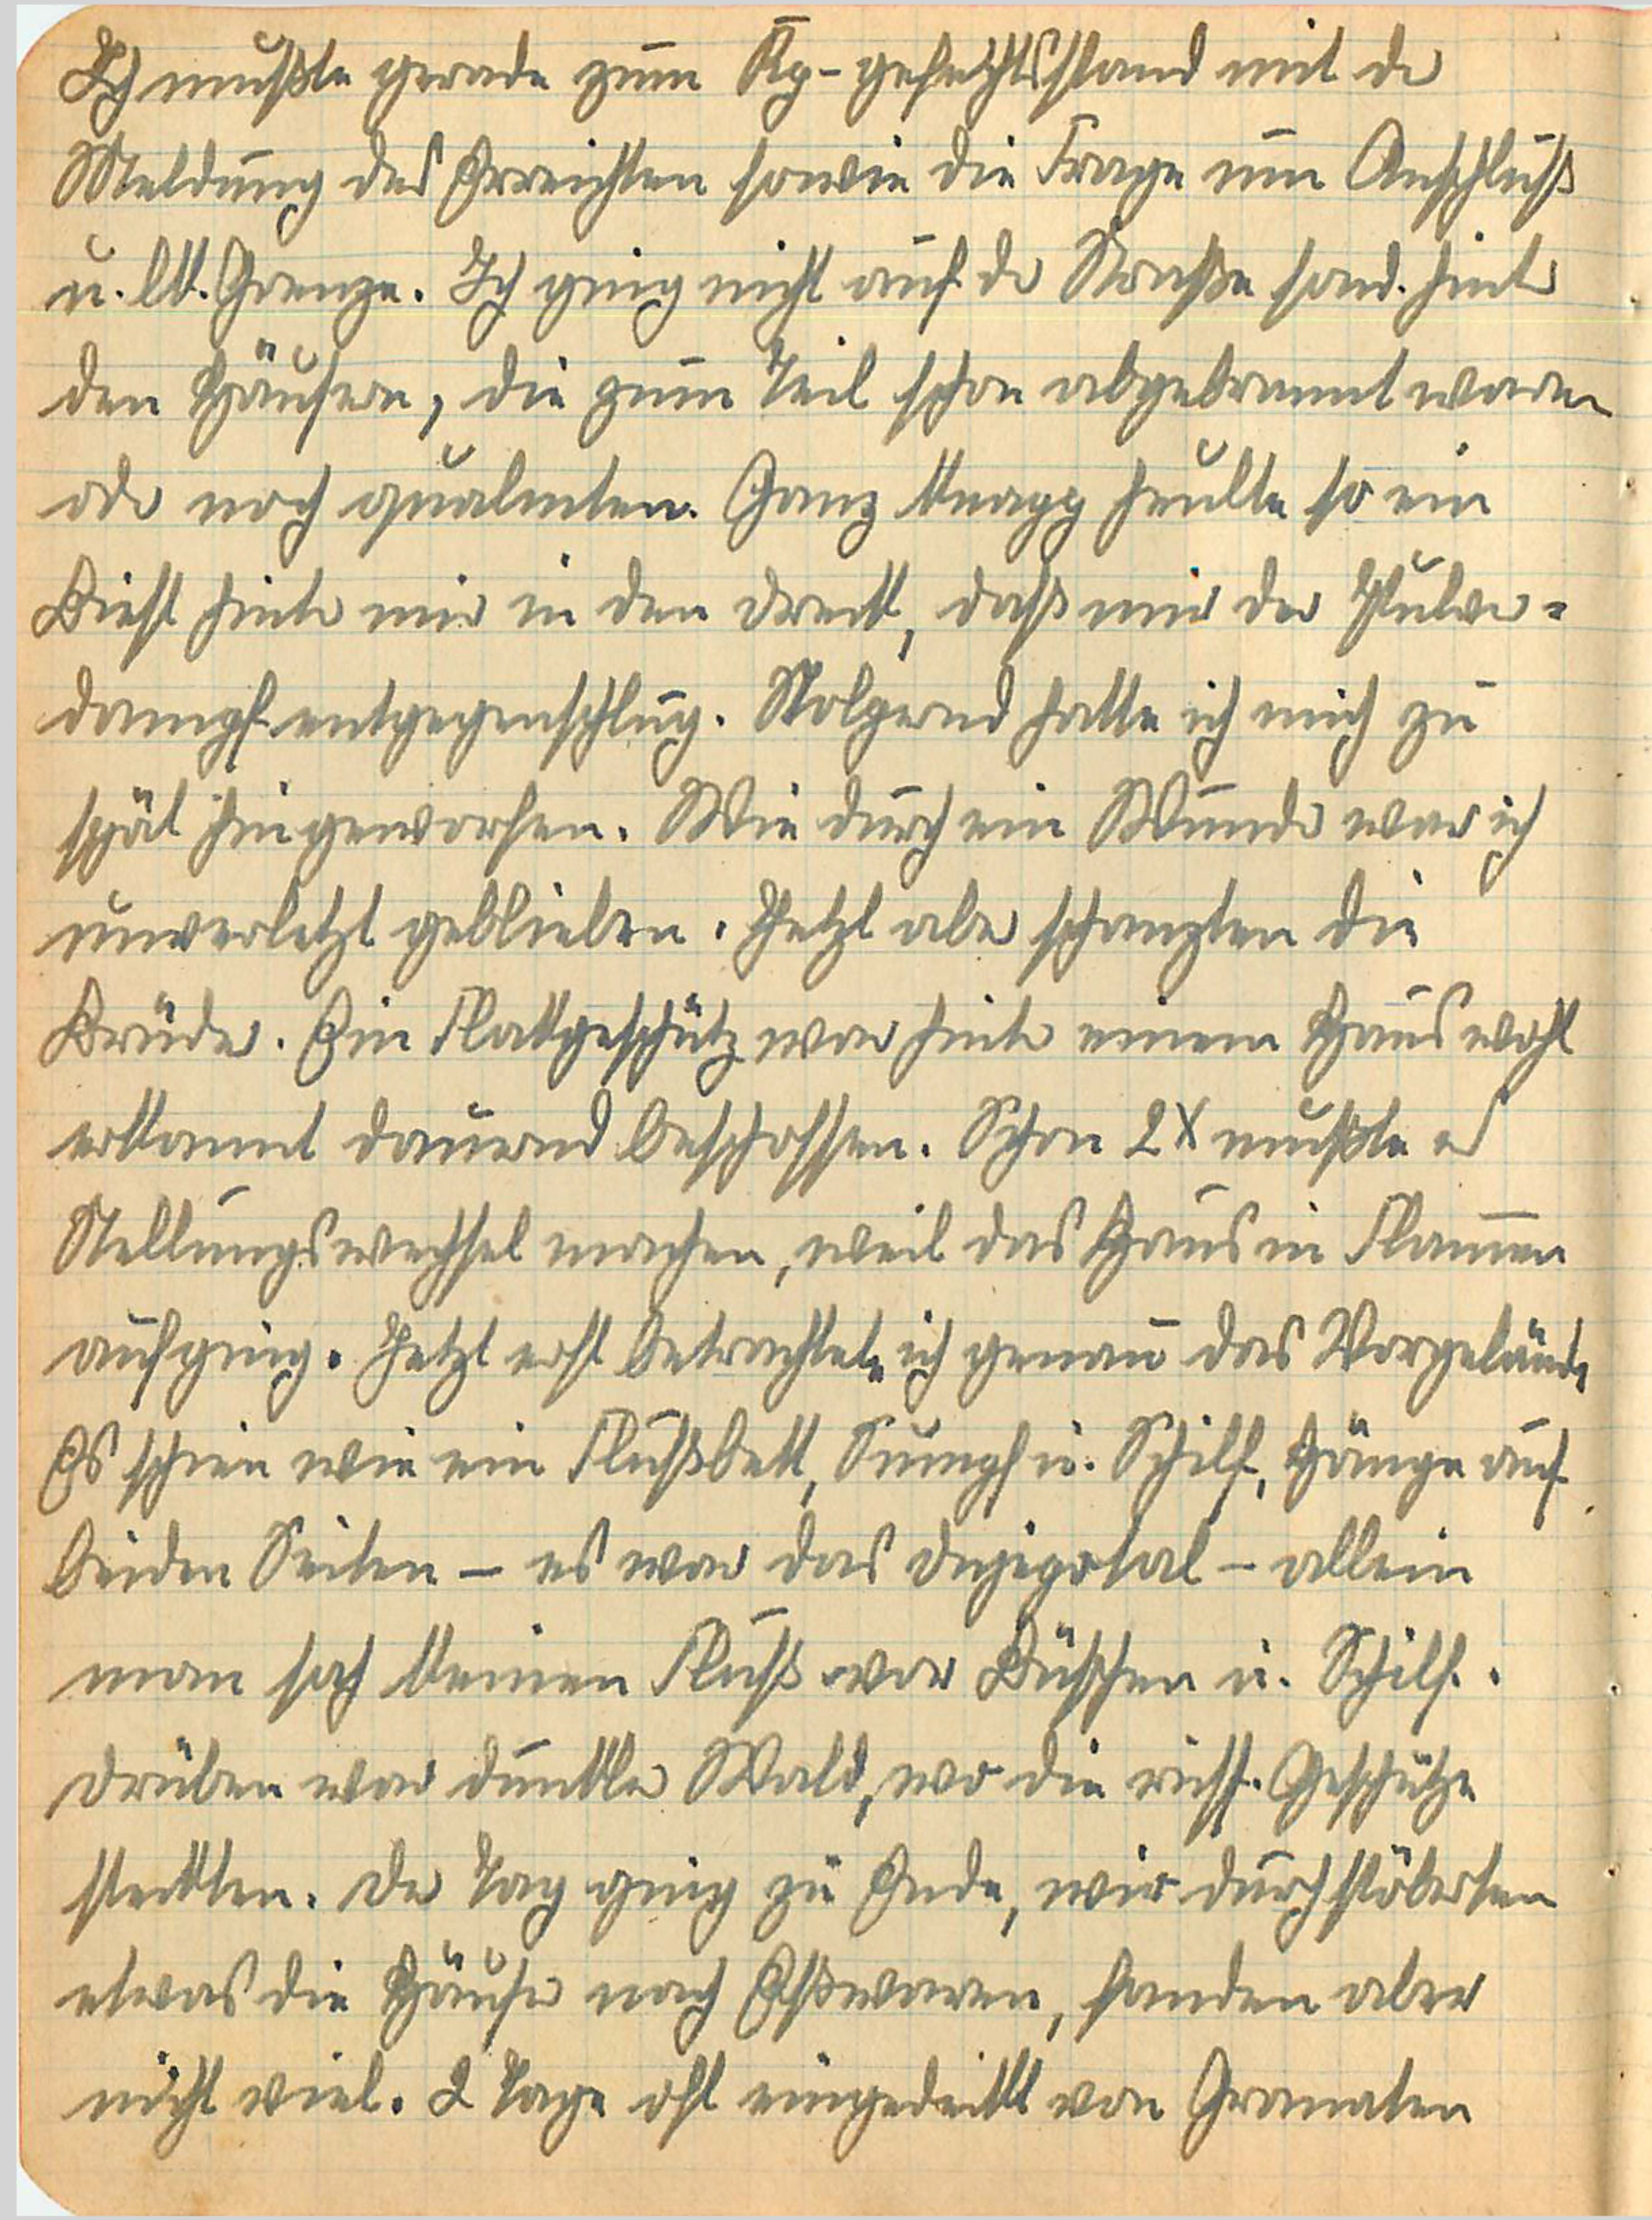Ich mußte gerade zum Kp-gefechtsstand mit der
Meldung des Erreichten sowie die Frage um Anschluß
u. lk. Grenze. Ich ging nicht auf der Straße sond. hinter
den Häusern, die zum Teil schon abgebrannt waren
oder noch qualmten. Ganz knapp heulte so ein
Biest hinter mir in den Dreck, daß mir der Pulver-
dampf entgegenschlug. Stolpernd hatte ich mich zu
spät hingeworfen. Wie durch ein Wunder war ich
unverletzt geblieben. Jetzt aber schanzten die
Brüder. Ein Flakgeschütz war hinter einem Haus wohl
erkannt dauernd beschossen. Schon 2 x mußte es
Stellungswechsel machen, weil das Haus in Flammen
aufging. Jetzt erst betrachtete ich genau das Vorgelände.
Es schien wie ein Flußbett, Sumpf u. Schilf, Hänge auf
beiden Seiten – es war das Dnjeprtal – allein
man sah keinen Fluß vor Büschen u. Schilf.
Drüben war dunkler Wald, wo die russ. Geschütze
steckten. Der Tag ging zu Ende, wir durchstöberten
etwas die Häuser nach Eßwaren, fanden aber
nicht viel. 2 Tage oft eingedeckt von Granaten